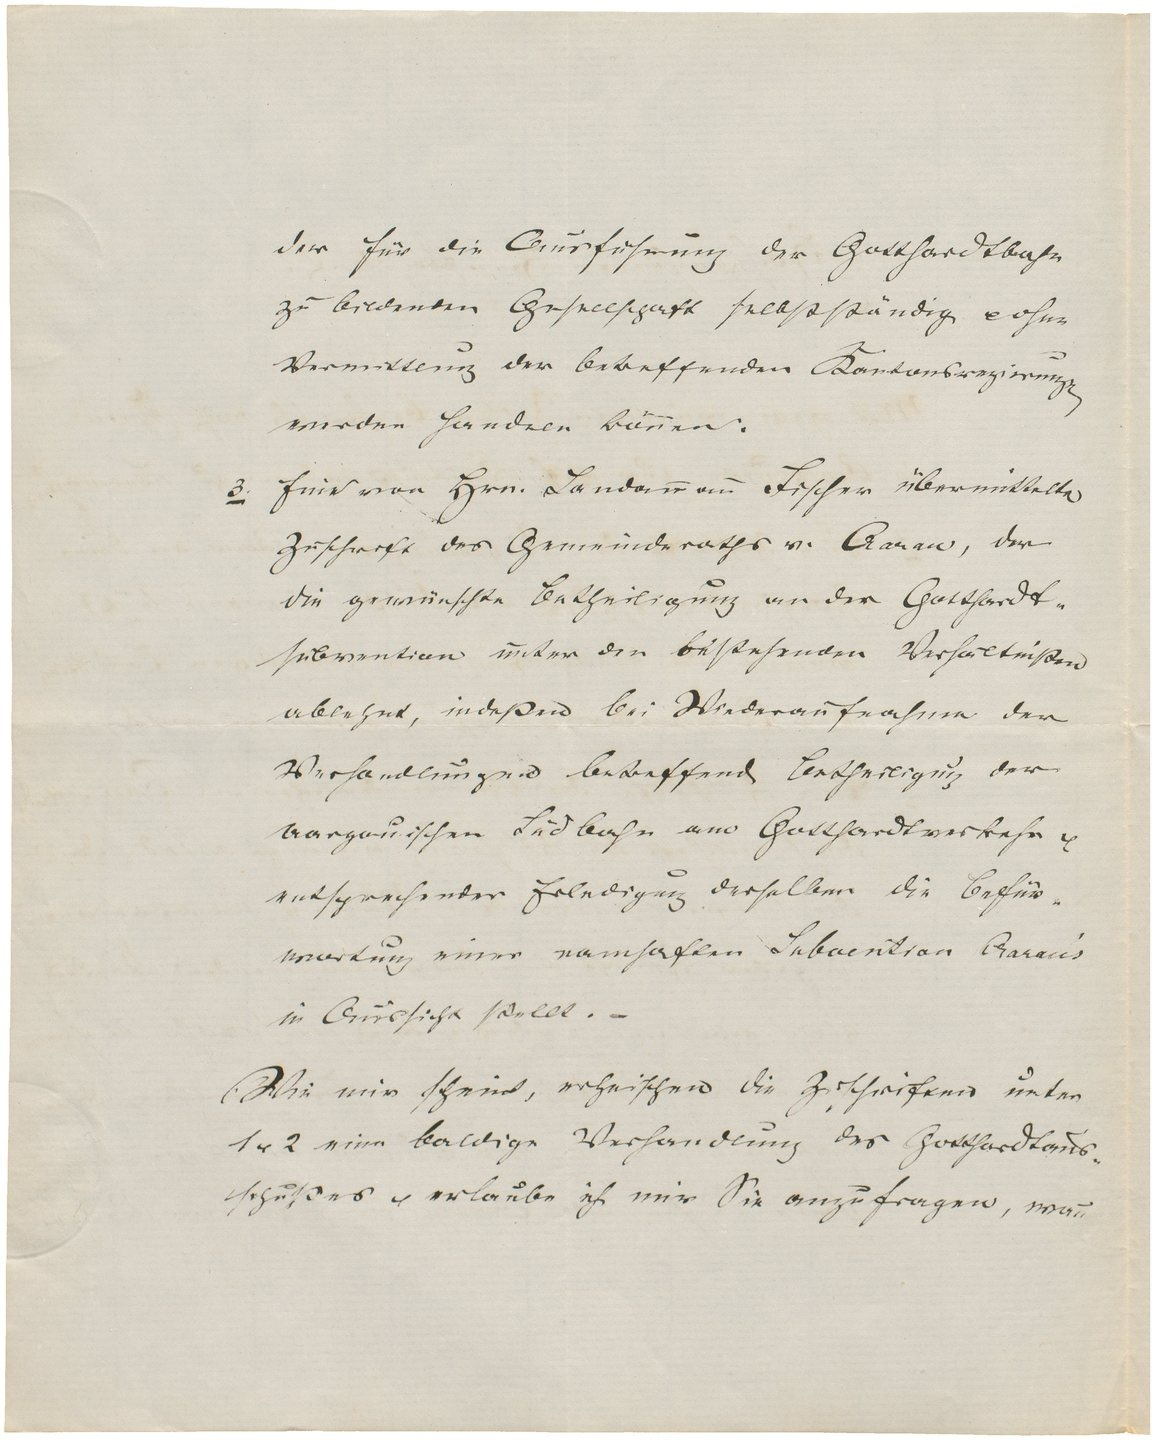der für die Ausführung der Gotthardtbahn
zu bildenden Gesellschaft selbstständig & ohne
Vermittlung der betreffenden Kantonsregierungen
werden handeln können.
3. Eine von Hrn. Landammann Fischer übermittelte
Zuschrift des Gemeinderathes v. Aarau, der
die gewünschte Betheiligung von der Gotthardt -
subvention unter den bestehenden Verhältnißen
ablehnt, indeßen bei Wiederaufnahme der
Verhandlungen betreffend Betheiligung der
aargauischen Südbahn am Gotthardtverkehr &
entsprechender Erledigung derselben die Befür-
wortung einer namhaften Subvention Aarau's
in Aussicht stellt. –
Wie mir scheint, erheischen die Zuschriften unter
1 & 2 eine baldige Verhandlung des Gotthardtaus-
schußes & erlauben mir Sie anzufragen, wann